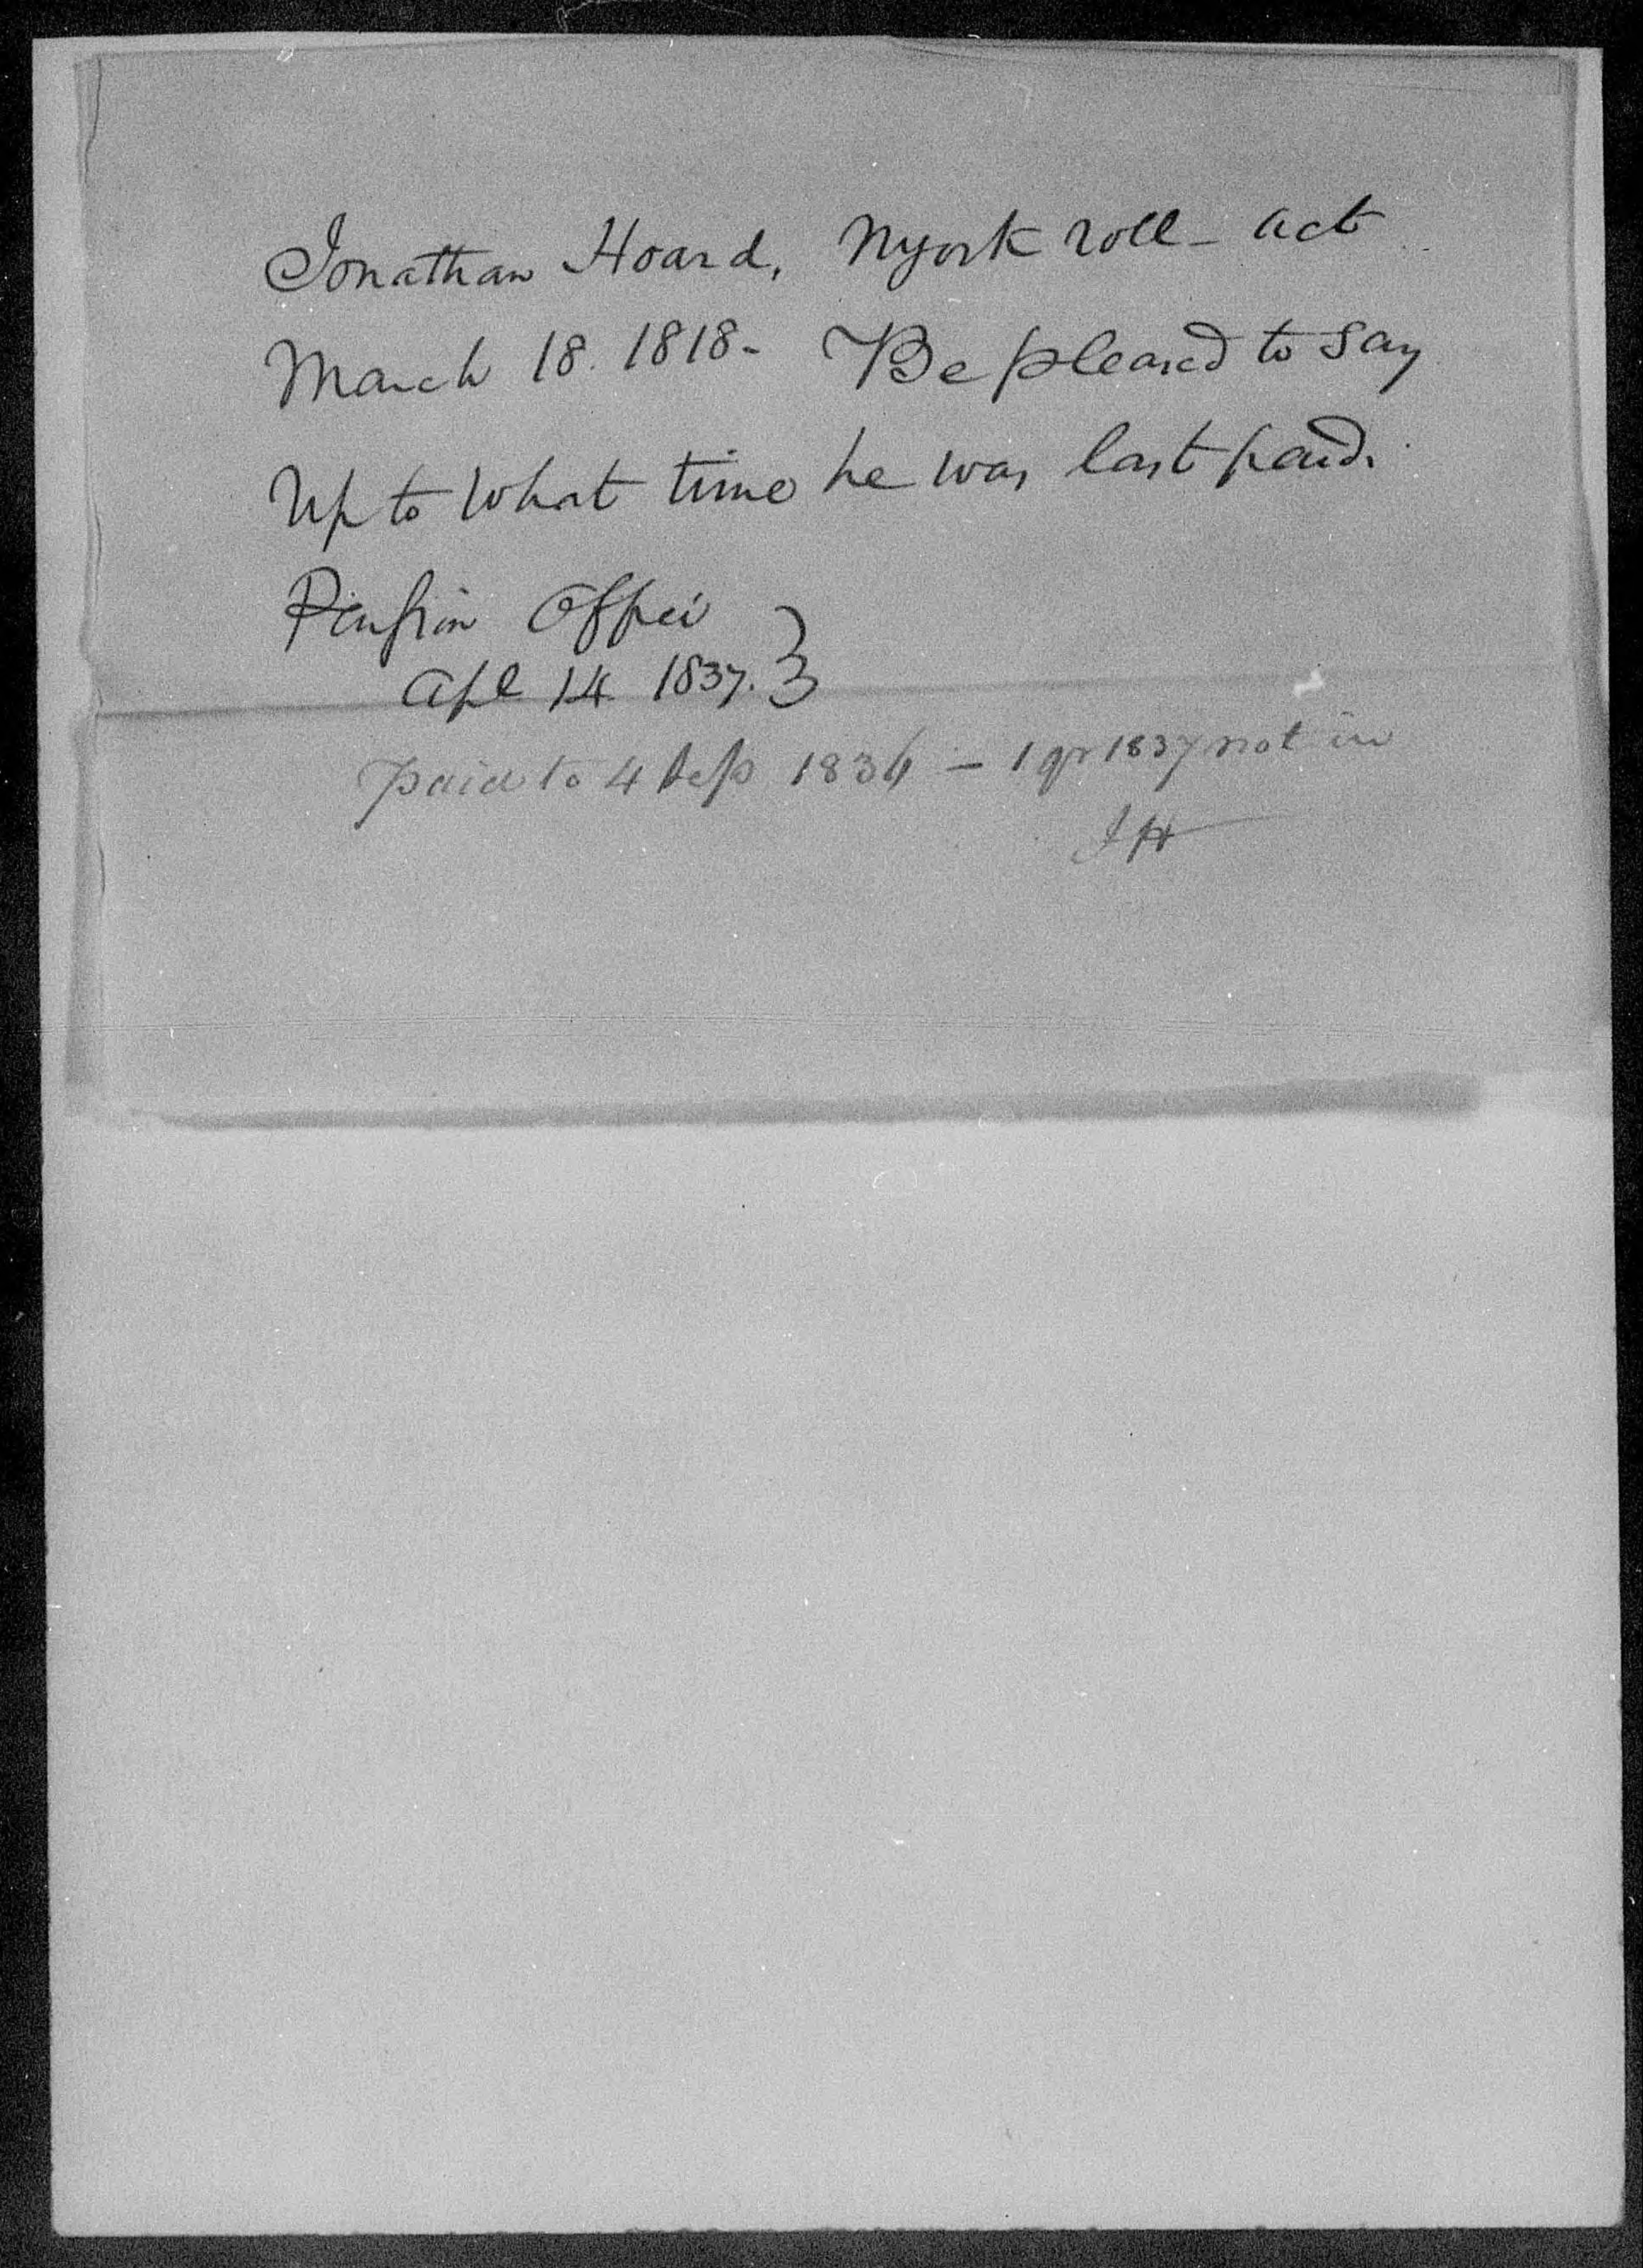Jonathan Hoard, NYork roll - act
March 18. 1818. Be pleased to say 
up to what time he was last paid.
Pension Office
Apr 14 1837

paid to 4 Sep 1834- 1 qr 1834 not in
JH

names: Jonathan Hoard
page: 21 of 52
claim: widow's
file: W 19755, Jonathan Hoard, Mass.